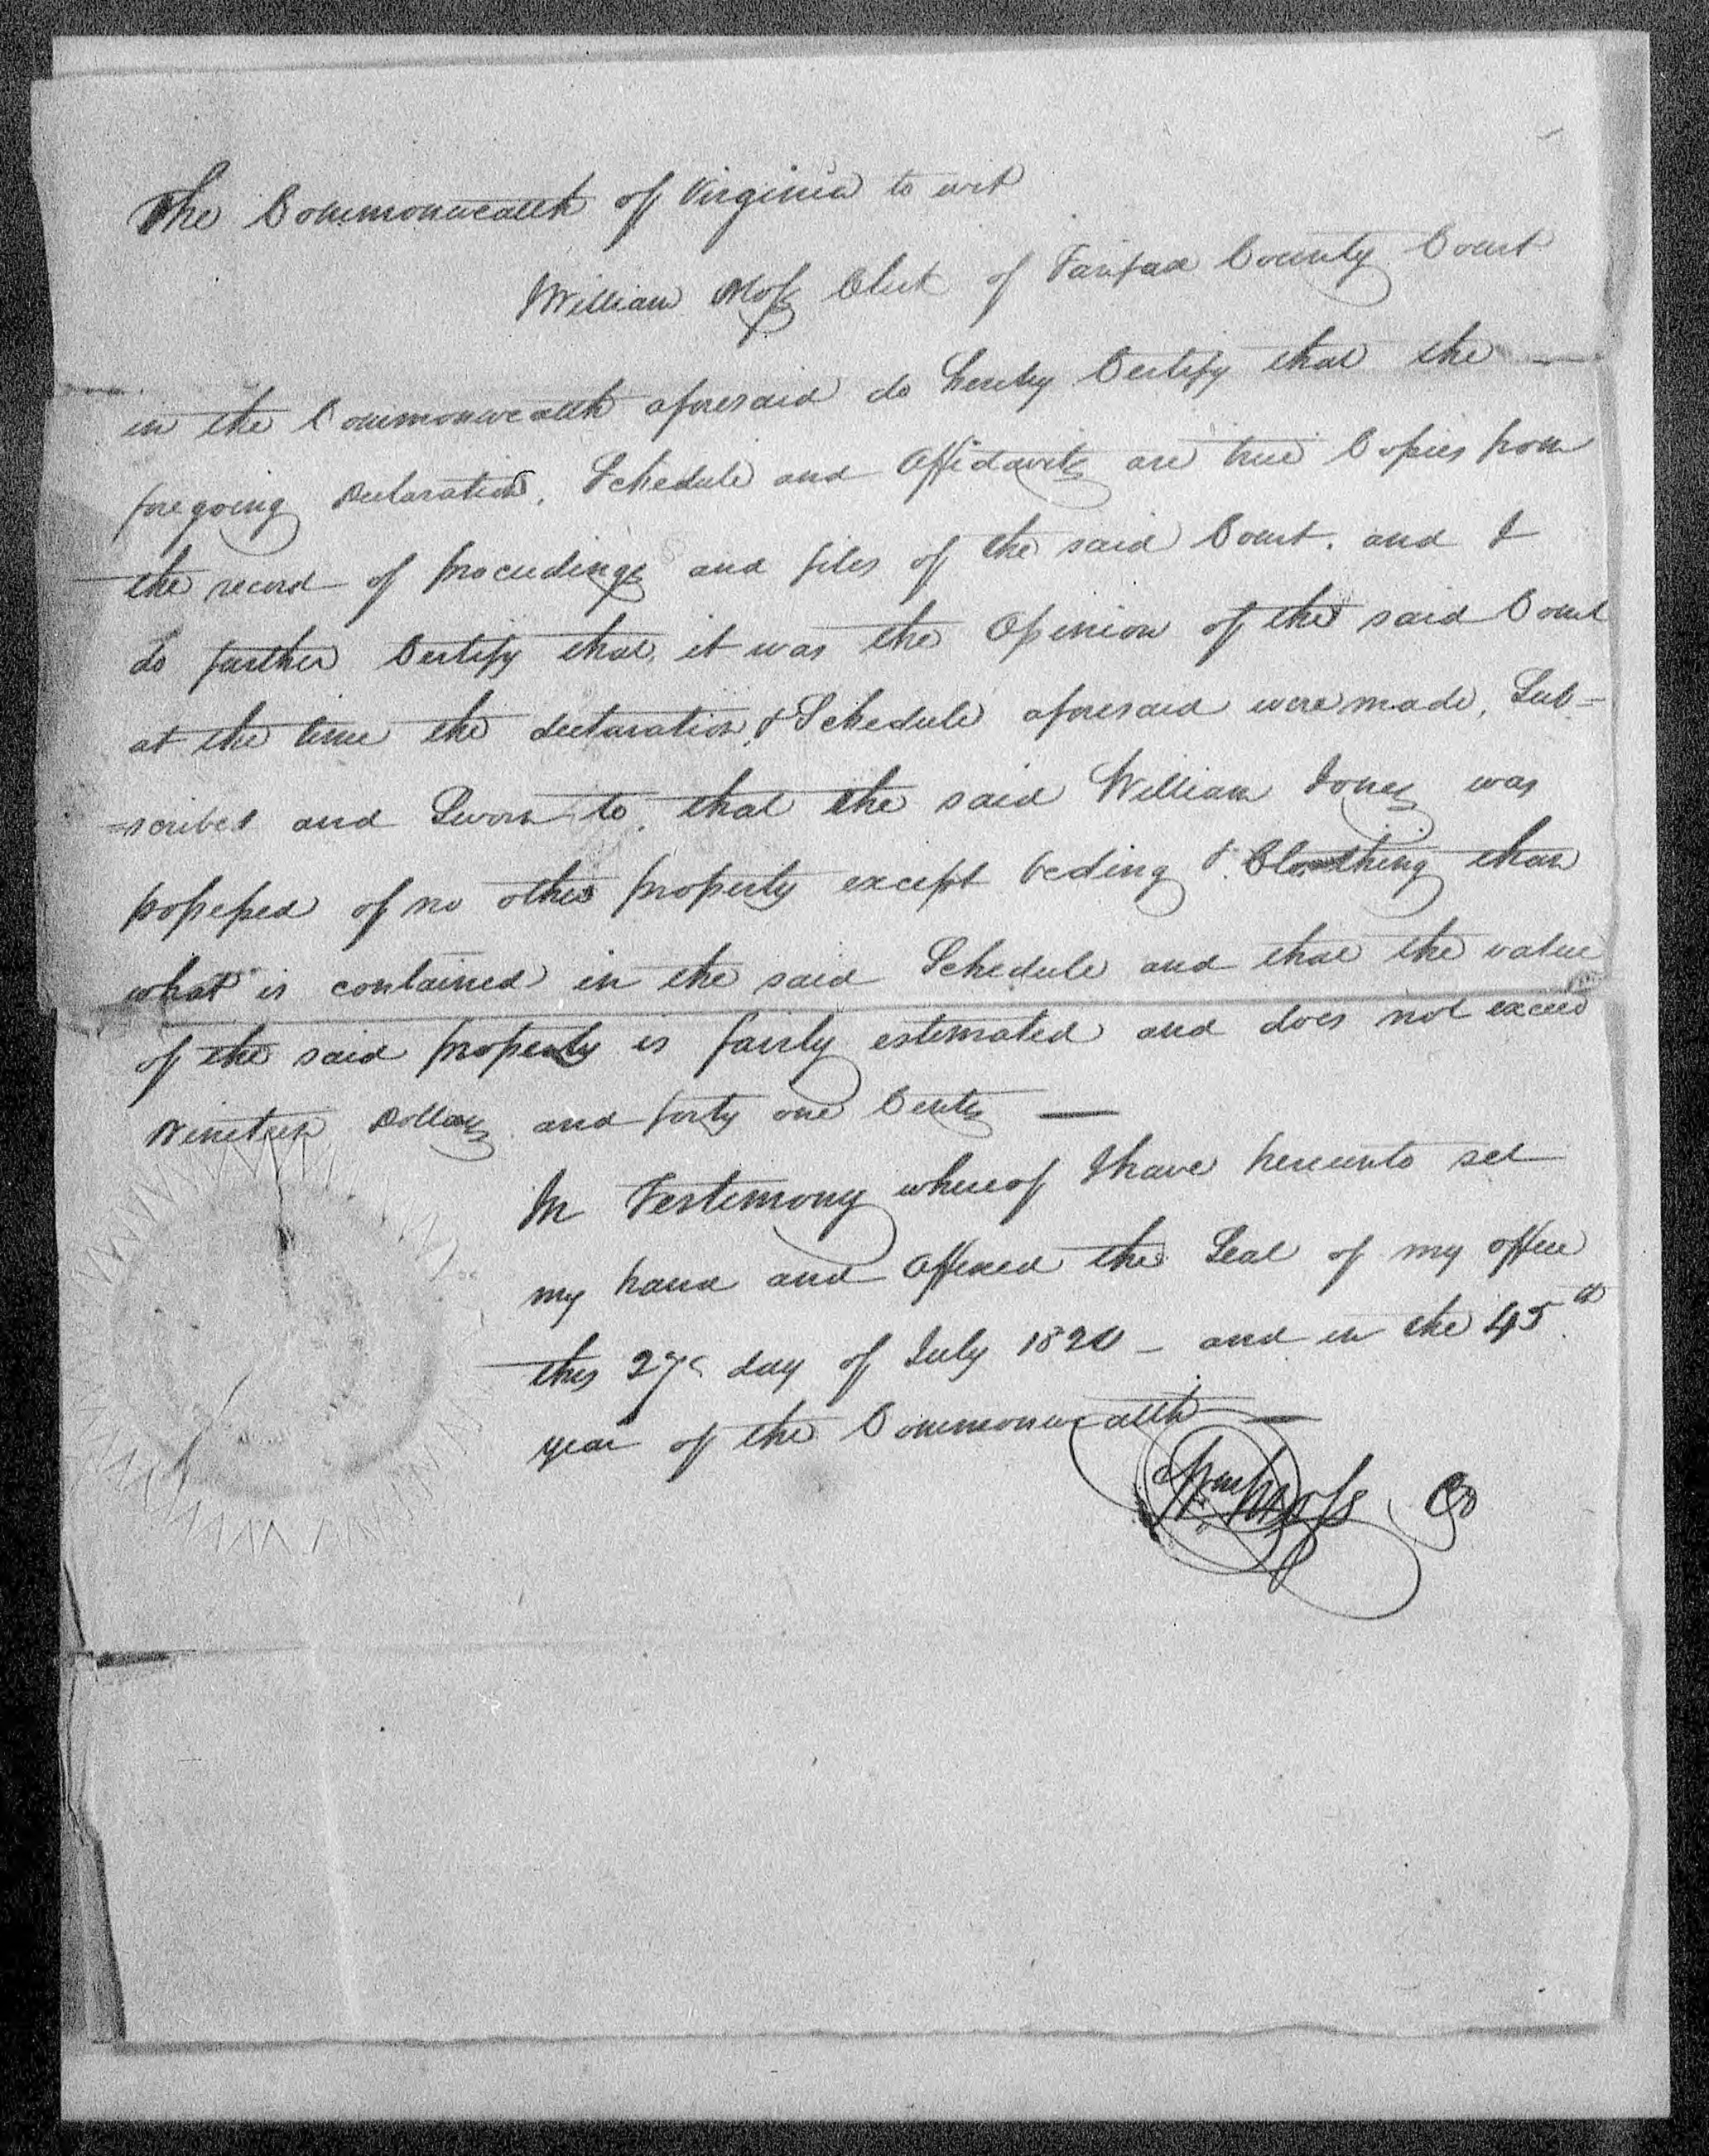The Commonwealth of Virginia to wit

William Moss clerk of Fairfax County Court in the commonwealth aforesaid do hereby testify that the foregoing declaration, schedule and affidavits are true copies from the record of proceedings and files of the said Court, and I do further testify that it was the opinion of the said court at the time the declaration + schedule aforesaid were made. Subscribed and sworn to the the said William Jones was possessed of no other property except beding + clothing than what is contained in the said Schedule and that the value of the said property is fairly estimated and does not exceed nineteen dollars and forty one cents--
In Testimony whereof I have hereunto set my hand and affixed the Seal of my office this 27th day of July 1829--and in the 45th year of the Commonwealth--
Wm Moss Cl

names: William Moss; William Jones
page: 22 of 39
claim: widow's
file: W 6292, for William Jones, Maryland